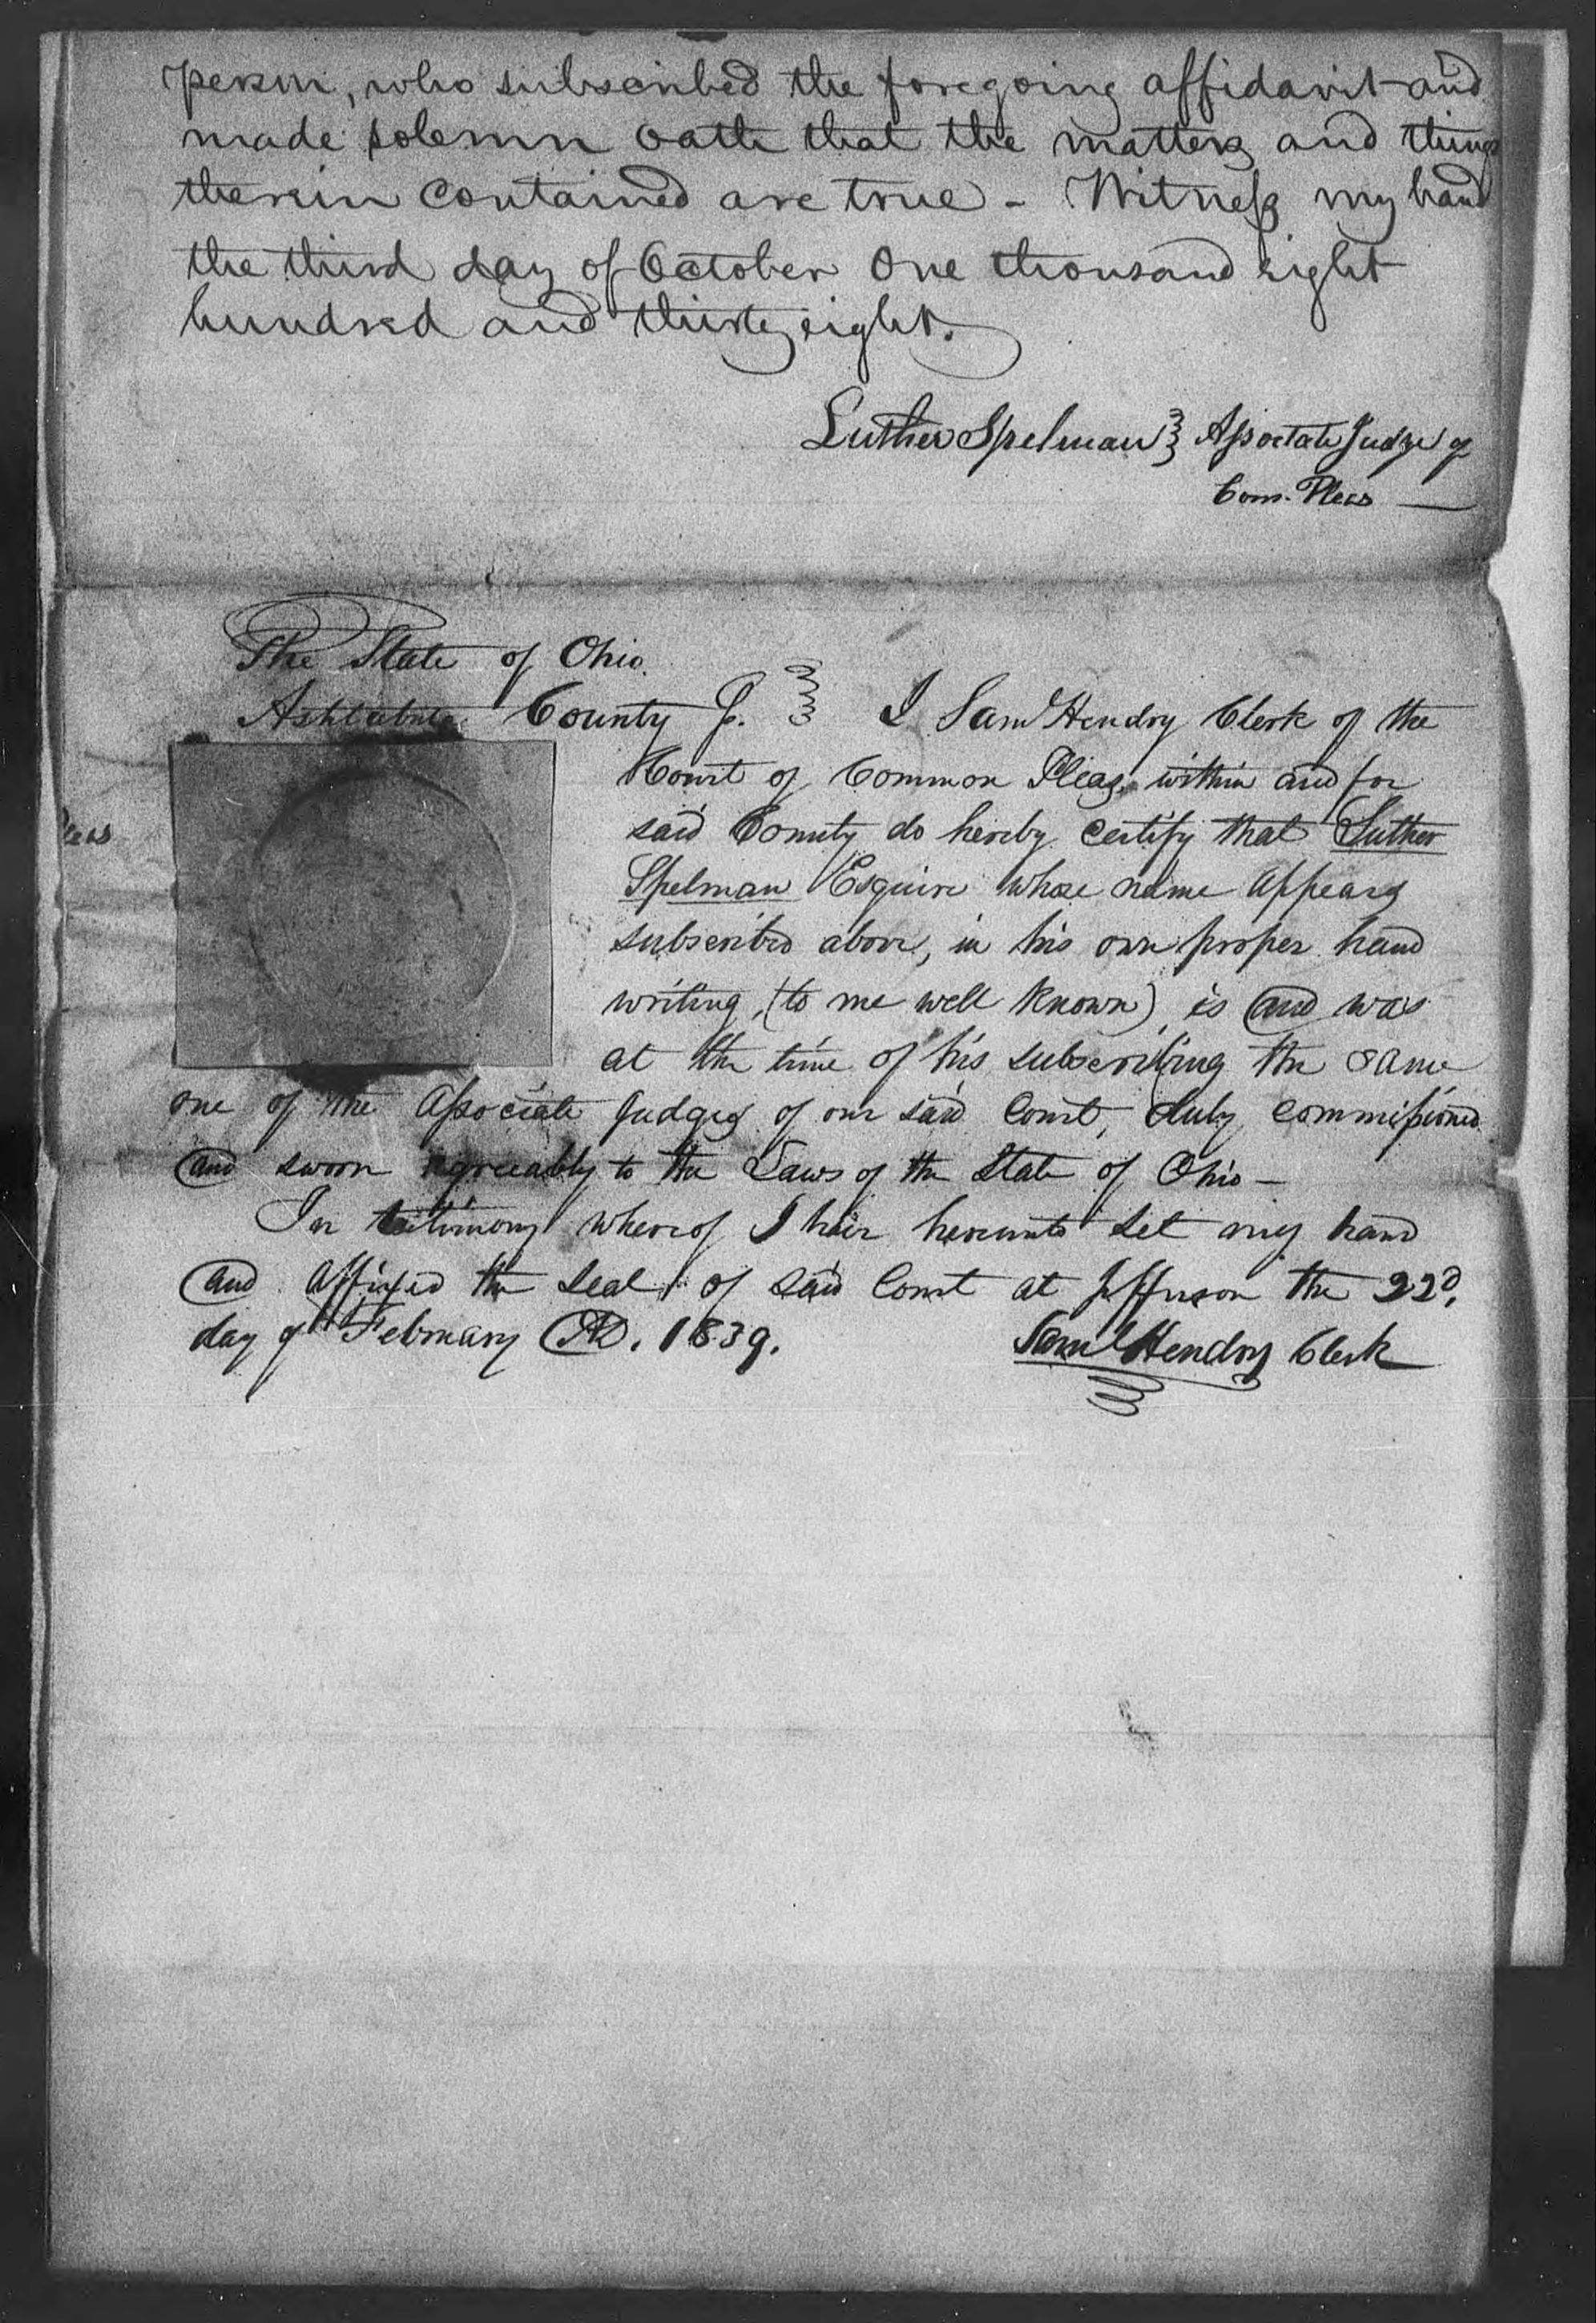person, who subscribed the foregoing affidavit- andmade solemn oath that the matters and things therin contained are true-[illegible] my hand the third day of October One thousand eight hundred and thirty eight.
  Luther Spelman Associate Judge of Com. Pleas

The State of Ohio,
Ashtabula County [illegible]. I Sam Hendry Clerk of the Court of Common Pleas, within and for said County do hereby certify that Luther Spelman Esquire whose hand appears subscribed above, in his own proper hand writing, (to me well known), is and was at the time of his subscribing the same one of the Associate Judge of our said Count. duly commissioned and [illegible] to the Laws of the State of Ohio-- 
      In [illegible] whereof Their [illegible] set any [illegible] and affixed the seal of said Count at Jefferson the 22nd day of February [scribbles] 1839.                  Sam Hendry Clerk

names: Saml Hendry, Luther Spelman, Luther Spelman, Saml Hendry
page: 19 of 45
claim: widow's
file: W. 4988, Durlin Hickok, Mass.